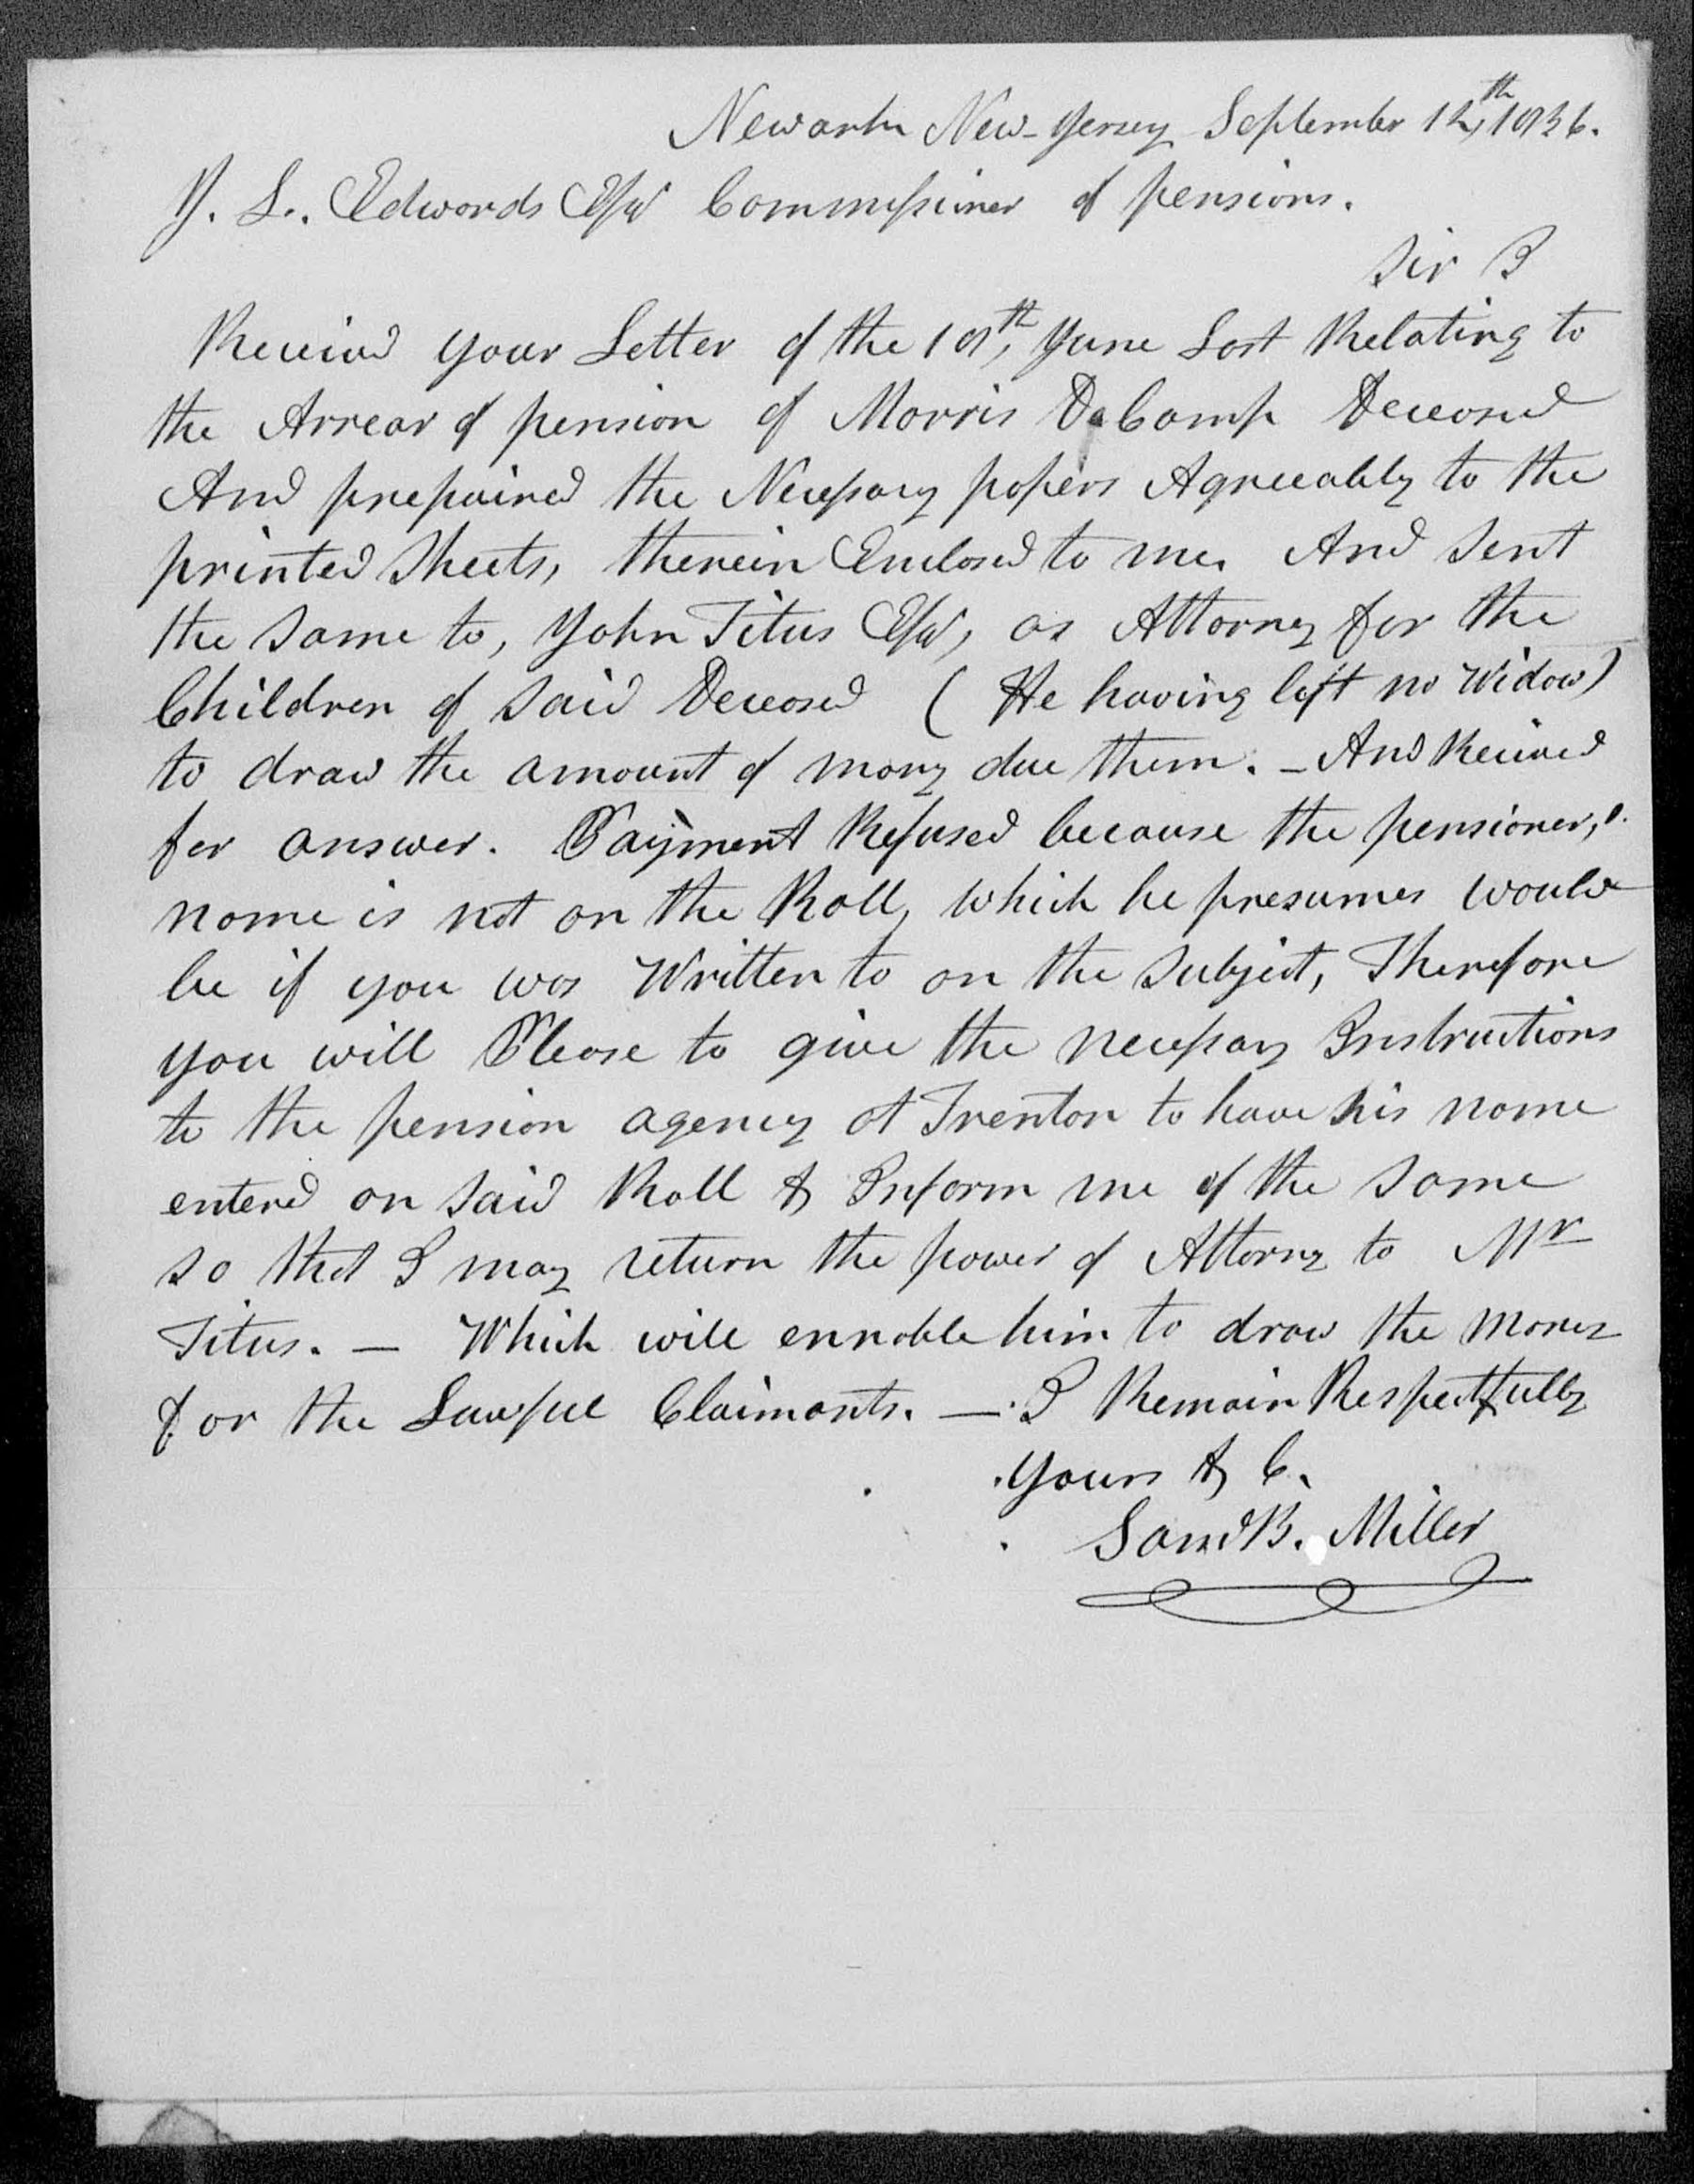Newark New Jersey September 14th 1836
J. L. Edwards Esq Commissioner of pensions.
Received your letter of the 19th June last relating to the arrear of pension of Morris D. Camp deceased and prepaired [sic] the necessary papers Agreeably to the printed sheets, therein enclosed to me. And sent the same to John Titus Esqr, as attorney for the children of said deceased (He having left no widow) to draw the amount of money due them. - And received for answer. Payment refused because the pensioner's name is not on the roll which he presumes would be if you was written to on the subject. Therefore you will please to give the necessary instructions to the pension agency of Trenton to have his name entered on said roll & inform me of the same so that I may return the power of attorney to Mr Titus. - Which will enable him to draw the monies for the lawful claimants.  I remain respectfully 
 Yours &c 
Saml B Miller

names: J L Edwards, John Titus, Titus, Saml B Miller, Morris De Camp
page: 29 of 52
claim: survivor's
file: S. 34172, Morris D Camp, Continental (New Jersey)